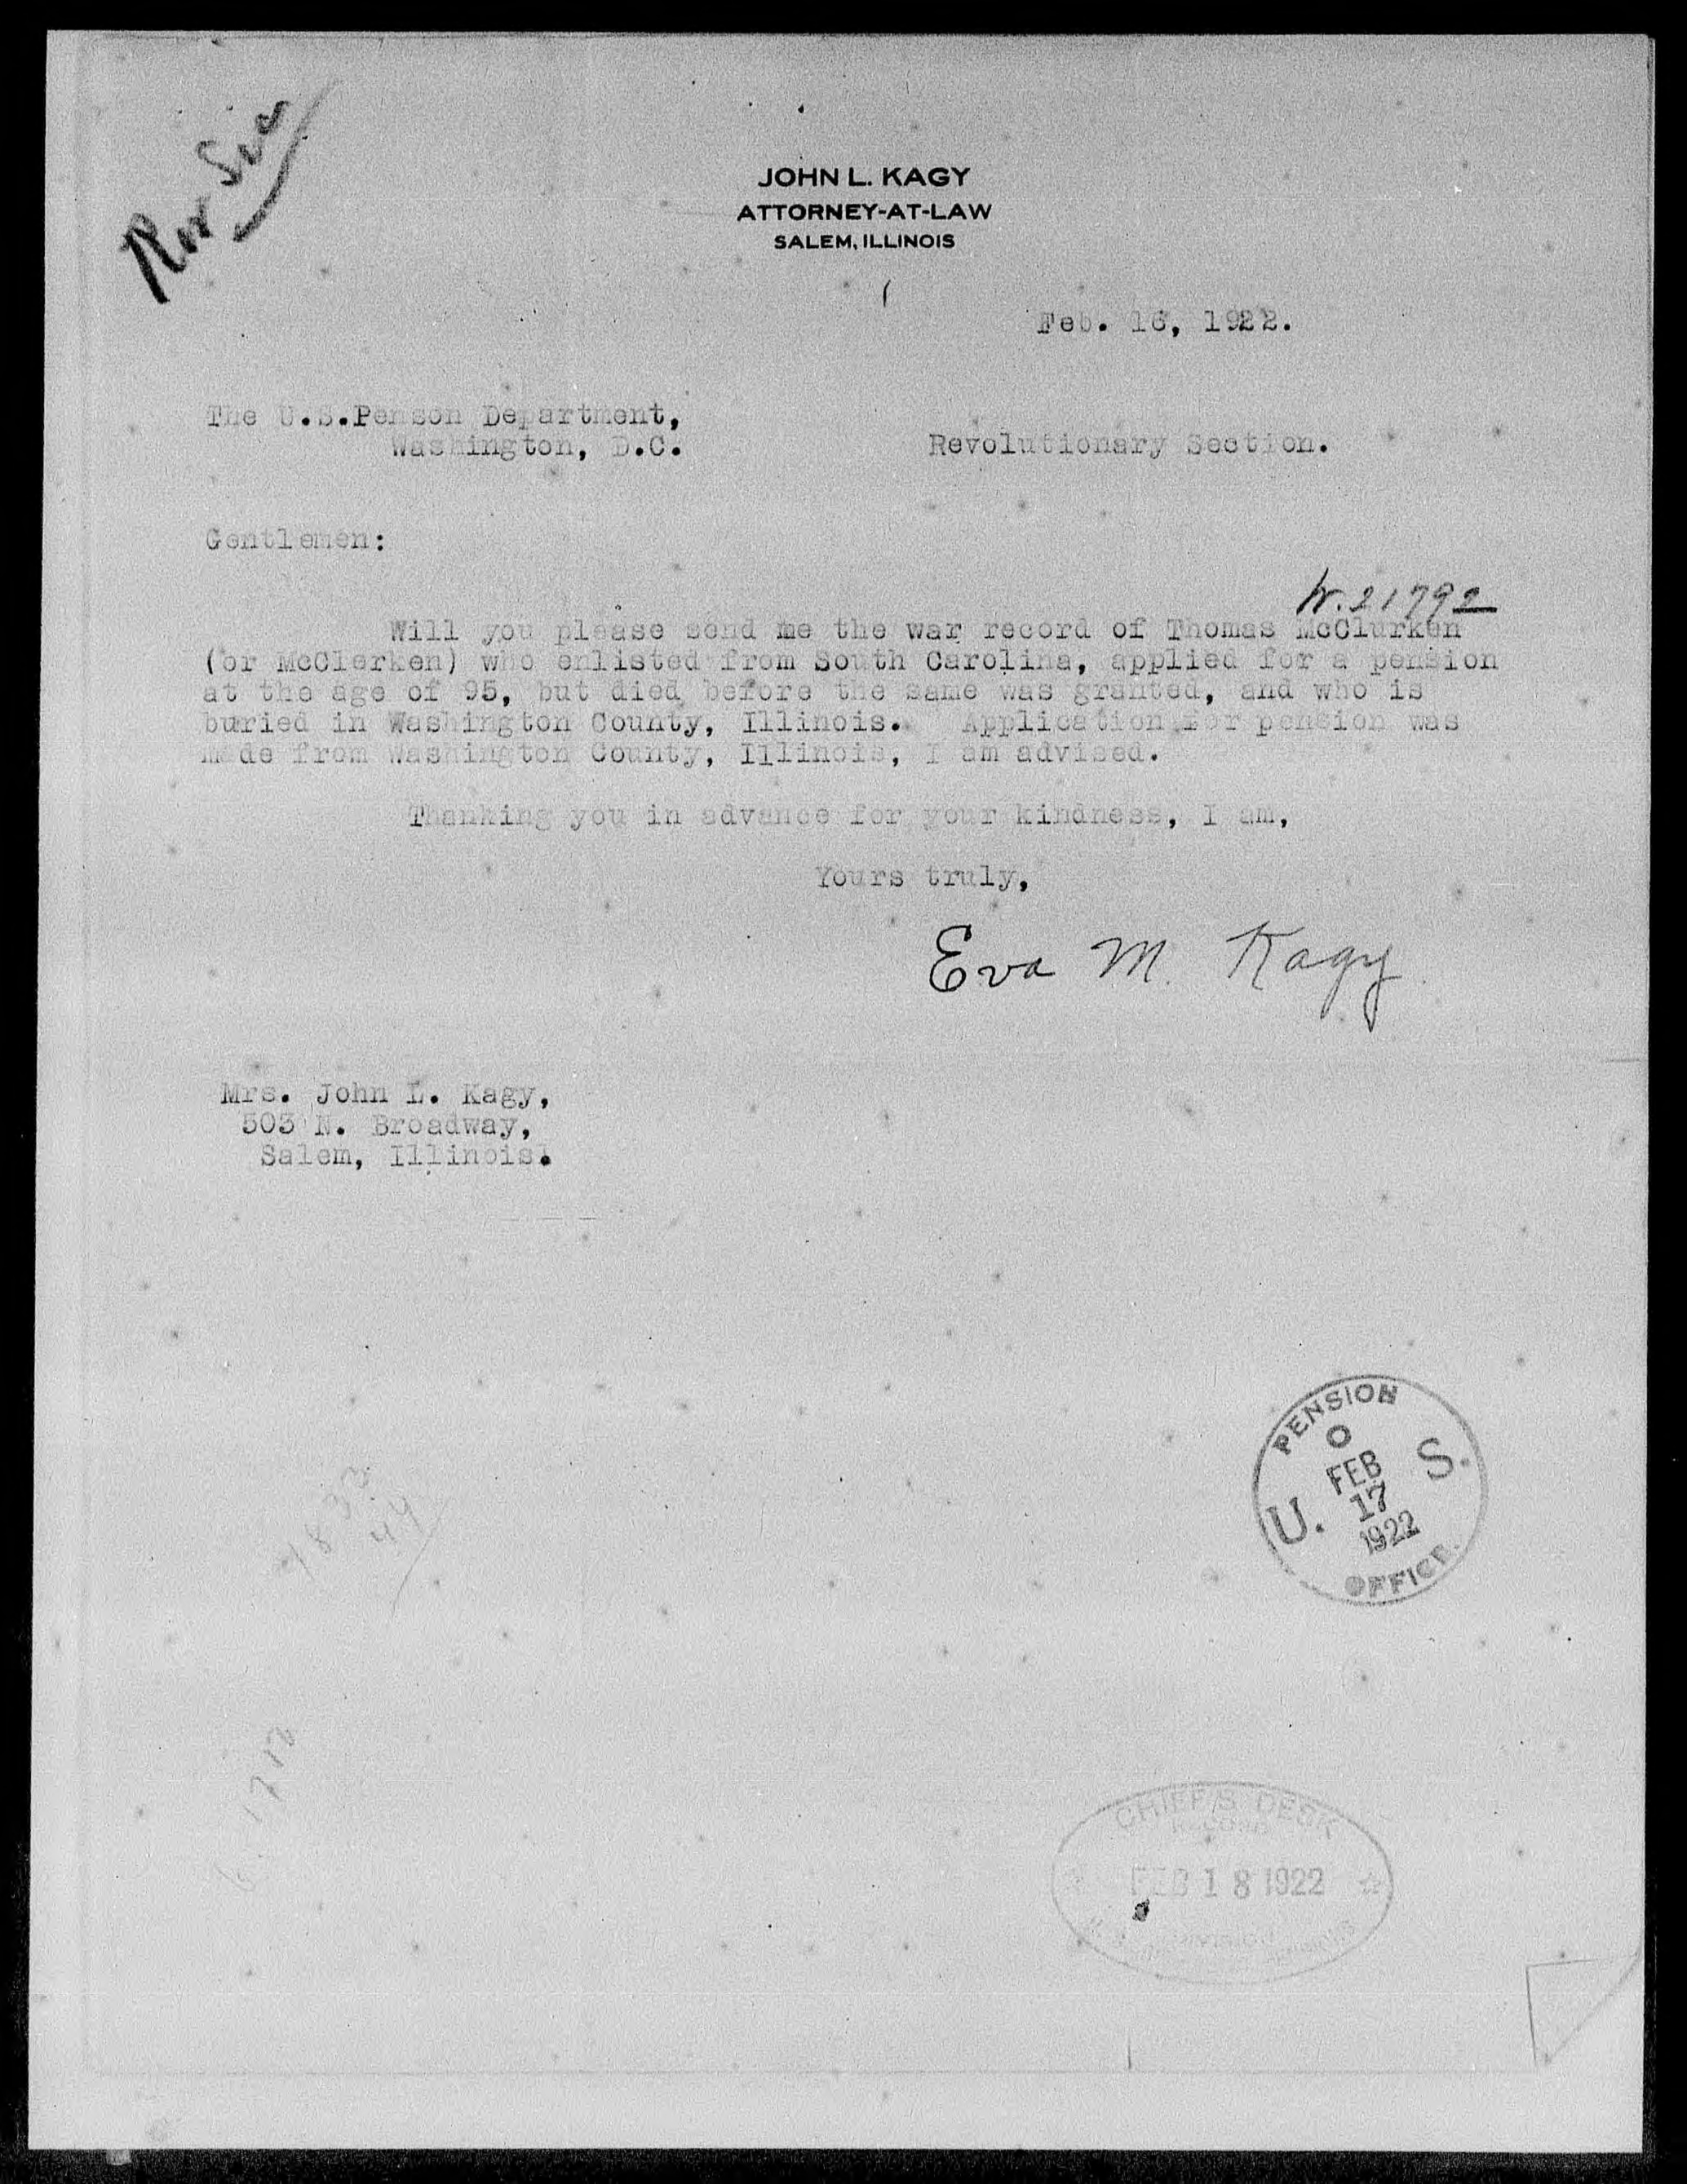Rev Sec

JOHN L. KAGY
ATTORNEY-AT-LAW
SALEM, ILLINOIS

Feb. 16, 1922.

The U.S. Pension Department,
Washington, D.C.

Revolutionary Sections.

Gentlemen:

Will you please send me the war record of Thomas McClurken (or McClerken) W.21792  who enlisted from South Carolina, applied for a pension at the age of 95, but died before the same was granted, and who is buried in Washington County, Illinois. Application for pension was made from Washington County, Illinois, I am advised. 

Thanking you in advance for your kindness, I am, 
Yours truly, 
Eva M. Kagy 

Mrs. John L. Kagy, 
503 N. Broadway, 
Salem, Illinois. 

[seal]
[U.S. PENSION OFFICE FEB 17 1922]

[seal]
[CHIEF'S DESK RECORD DIVISION FEB 18, 1922]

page: 90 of 93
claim: widow's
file: W. 21792, for Thomas Mc Clurken, South Carolina